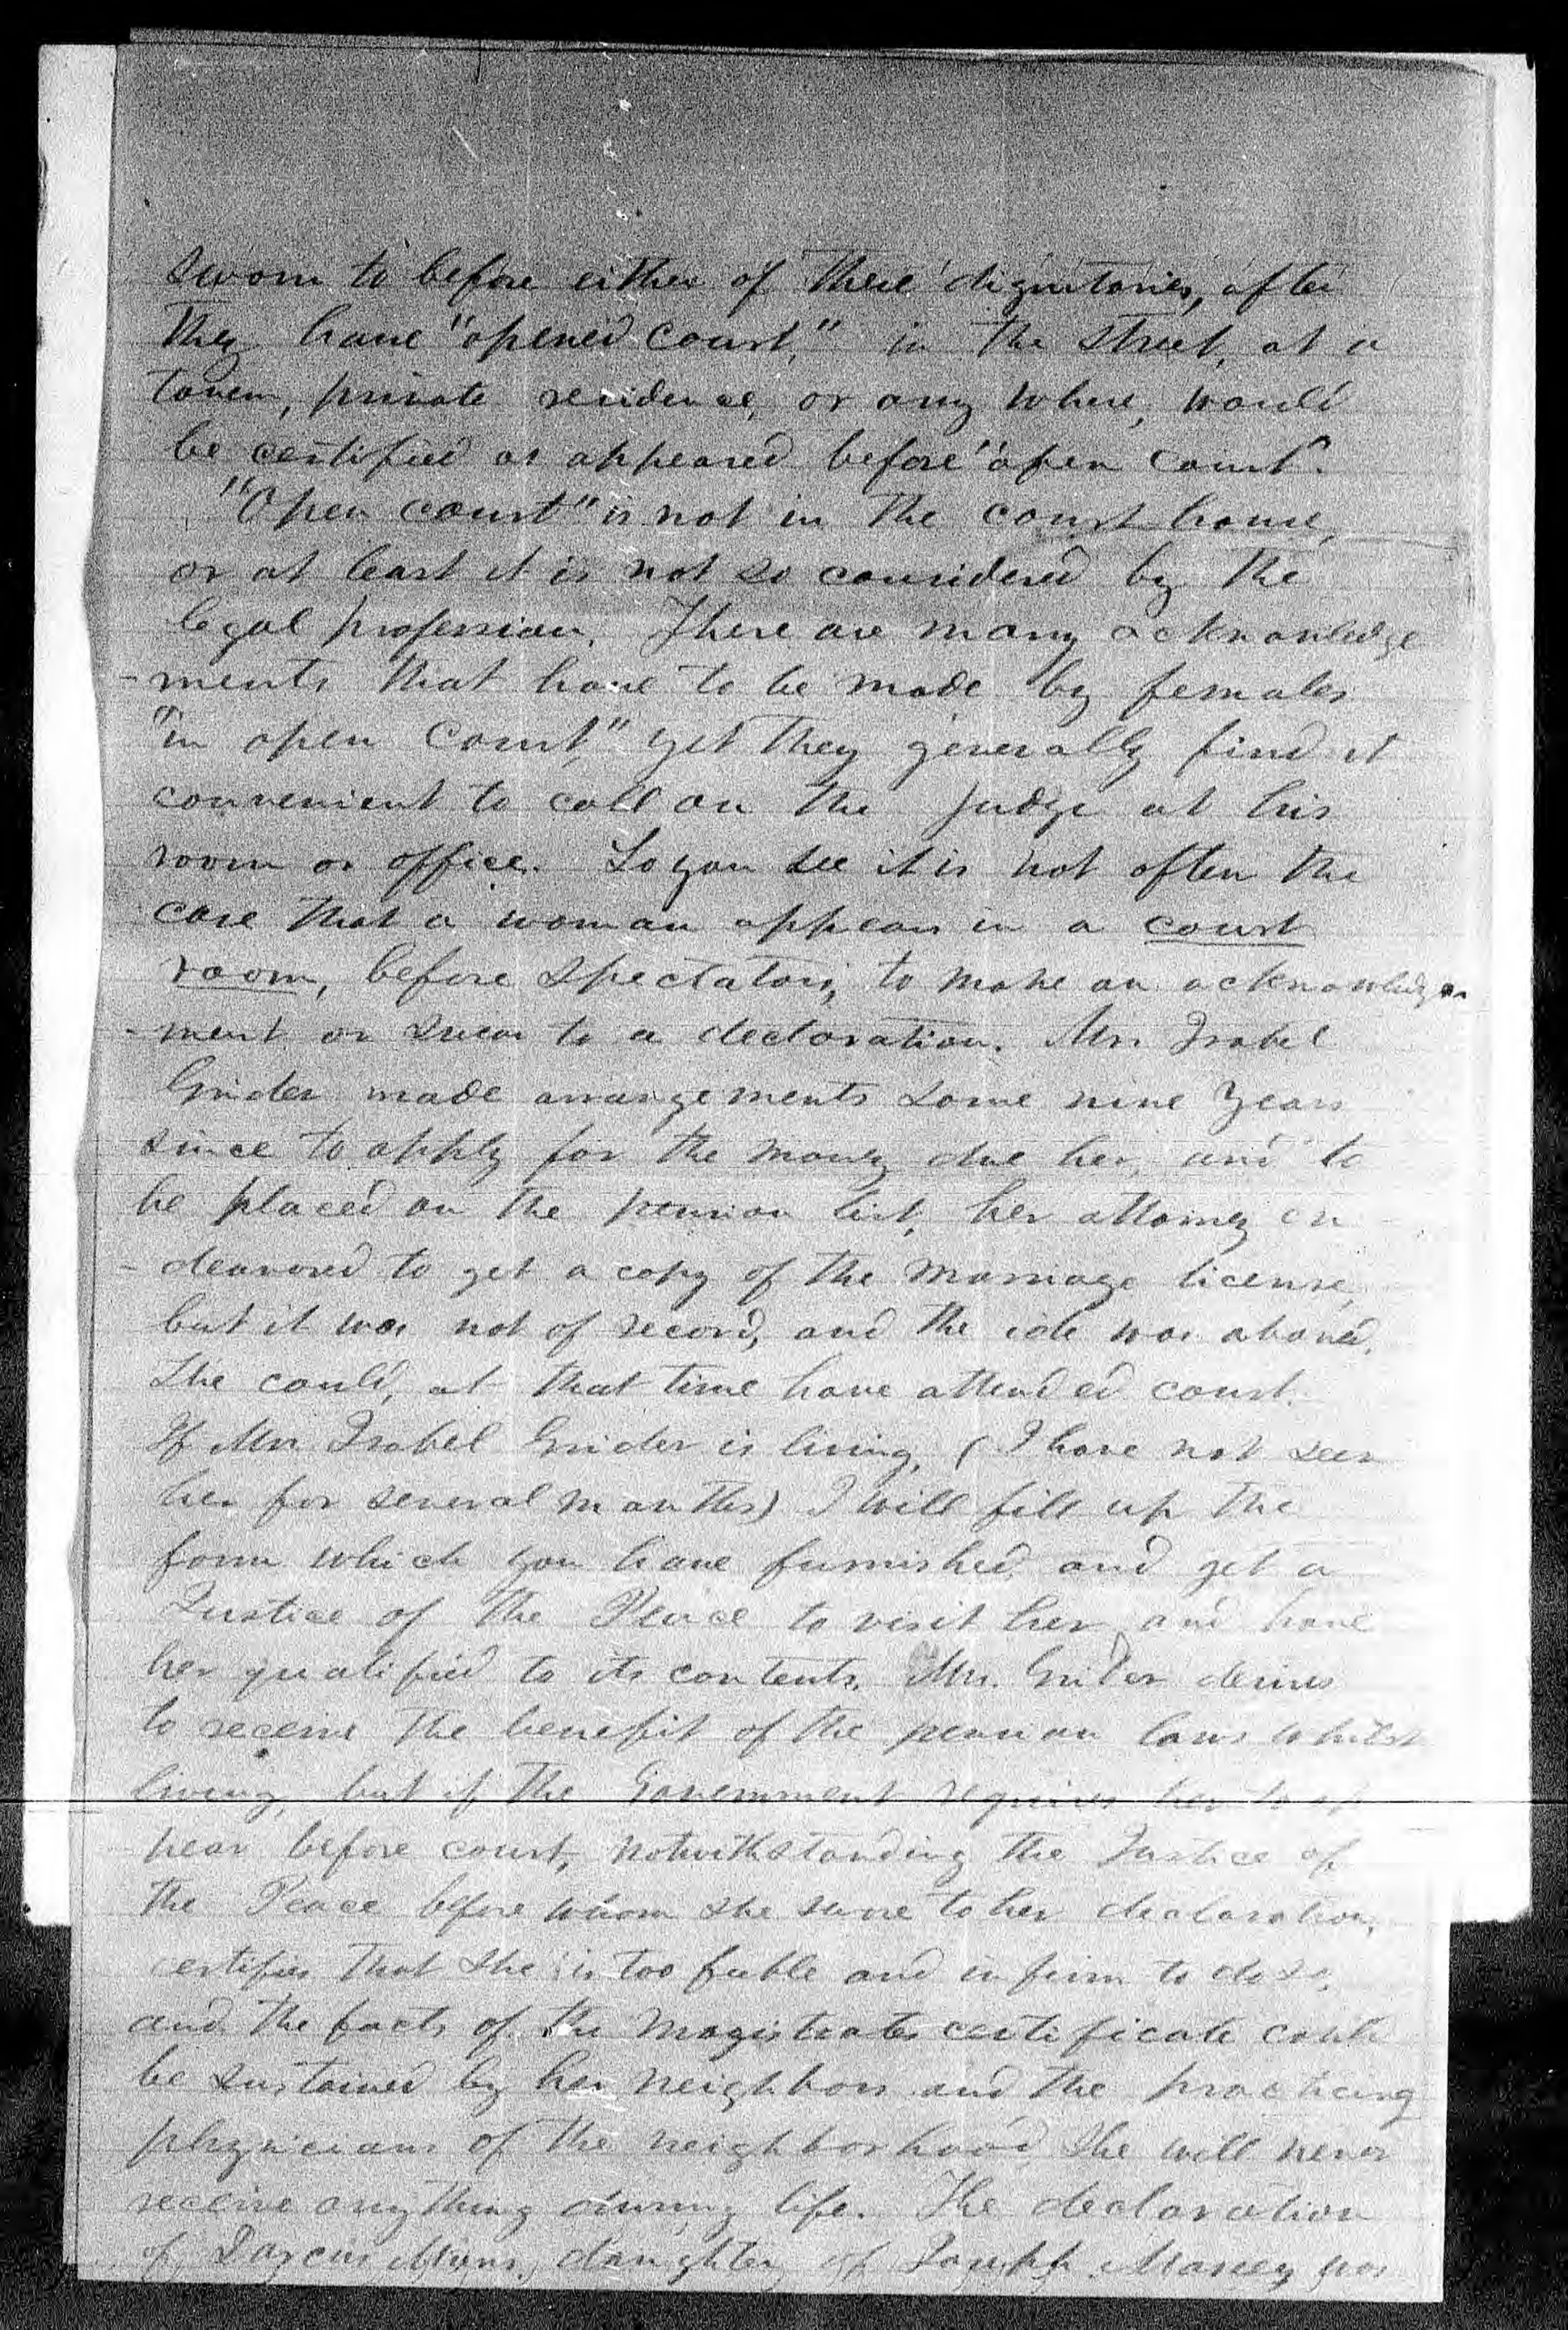sworn to before either of these dignitaries after they have "opened court", in the street, at a tavern, private residence, or any where, would be certified os appeared before open court?  "Open court" is not in the court house or at least it is not so considered by the legal profession. There are many acknowledgements  that have to be made by females "in open court", yet they generally find it convenient to call on the Judge at his room or office. So you see it is not often the case that a woman appears in a court room, before spectators, to make an acknowledgment or swear to a declaration. Mrs. Isabel Grider made arrangements some nine years since to apply for the money due her and to be placed on the pension list, her attorney endeavored to get a copy of the marriage license but it was n ot on record, and the [illegible] was  abated. She could, at that time have attended court. If Mrs. Isabel Grider is living, I have not seen her for several months, I will fill up the form which your have furnished, and get a Justice of the Peace to visit her and have her qualified to its contents. Mrs. Grider desires to receive the benefit of the pension laws what[illegible] living, but of the Government requires her to  [illegible] hear before court, notwithstanding the Justice of the Peace before whom she swore to her declaration, certifies that she is too feeble and infirm to do so, and the facts of the Magistrates certificate could be sustained by her neighbors and the practicing physicians of the neighborhood. She will never receive anything during life. The declaration of Darcus Muns daughter of Joseph Massey was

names: Isabel Grider, Grider, Darcus Muns, Isabel Grider, Joseph Maseey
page: 45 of 91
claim: widow's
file: W 358, John Grider, N.C.